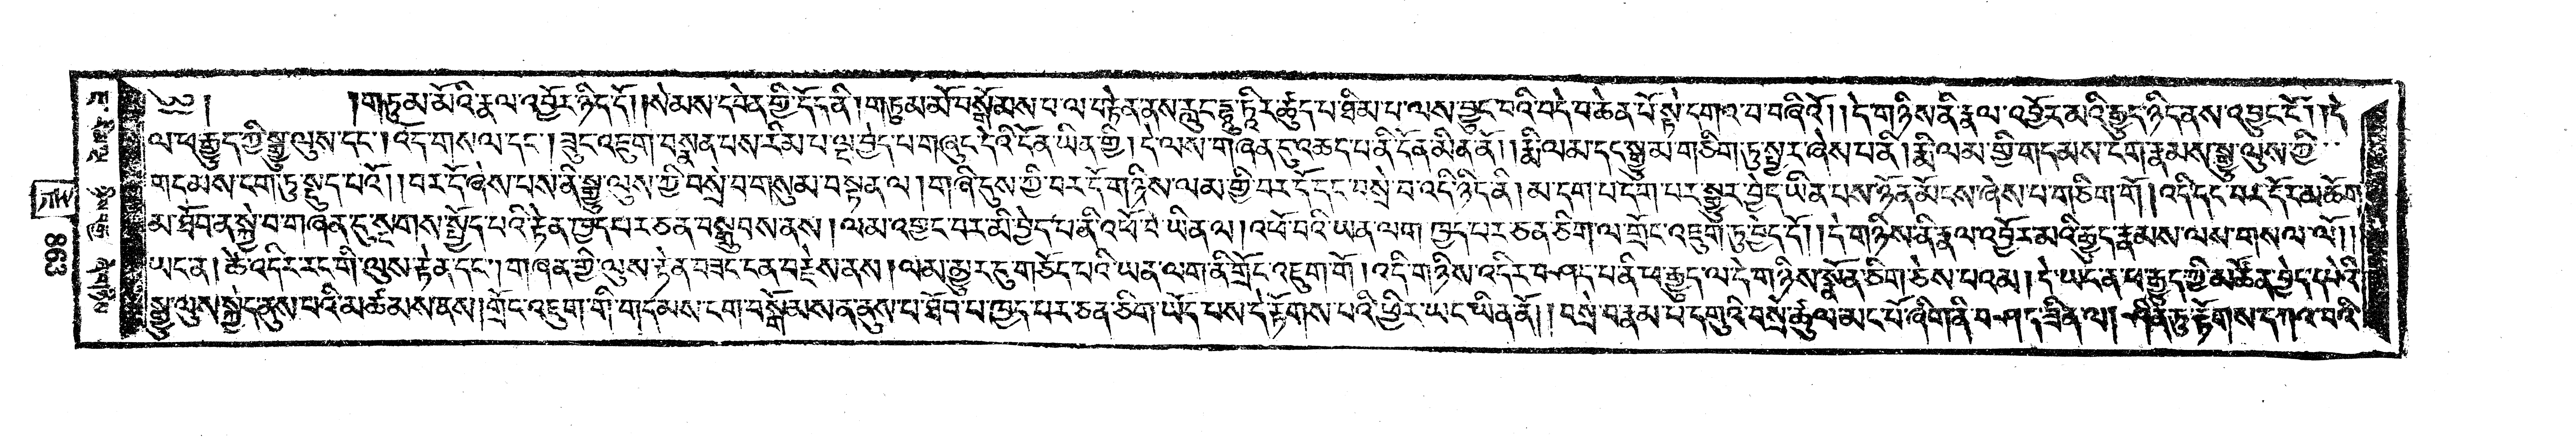༄༅། །གཏུམ་མོའི་རྣལ་འབྱོར་ཉིད་དོ། །སེམས་དབེན་གྱི་དོད་ནི། གཏུམ་མོ་བསྒོམས་པ་ལ་བརྟེན་ནས་རླུང་དྷཱུ་ཏཱིར་ཚུད་པ་ཐིམ་པ་ལས་བྱུང་བའི་བདེ་བ་ཆེན་པོ་སྟེ་དགའ་བ་བཞིའོ། །དེ་གཉིས་ནི་རྣལ་འབྱོར་མའི་རྒྱུད་ཉིད་ནས་འབྱུང་ངོ། །དེ་
ལ་ཕ་རྒྱུད་ཀྱི་སྒྱུ་ལུས་དང་། འོད་གསལ་དང་། ཟུང་འཇུག་བསྣན་པས་རིམ་པ་ལྔ་བྱེད་པ་གཞུང་དེའི་དོན་ཡིན་གྱི། དེ་ལས་གཞན་དུ་འཆད་པ་ནི་དོན་མིན་ནོ། །རྨི་ལམ་དང་སྒྱུ་མ་གཅིག་ཏུ་སྦྱར་ཞེས་པ་ནི། རྨི་ལམ་གྱི་གདམས་ངག་རྣམས་སྒྱུ་ལུས་ཀྱི་
གདམས་ངག་ཏུ་སྡུད་པའོ། །བར་དོ་ཞེས་པས་ནི་སྒྱུ་ལུས་ཀྱི་བསྲེ་བ་གསུམ་བསྟན་ལ། གཞི་དུས་ཀྱི་བར་དོ་གཉིས་ལམ་གྱི་བར་དོ་དང་བསྲེ་བ་འདི་ཉིད་ནི། མ་དག་པ་དག་པར་སྒྱུར་བྱེད་ཡིན་པས་ཉོན་མོངས་ཞེས་པ་གཅིག་གོ །འདི་དང་བར་དོར་མཆོག་
མ་ཐོབ་ན་སྐྱེ་བ་གཞན་དུ་སྔགས་སྤྱོད་པའི་རྟེན་ཁྱད་པར་ཅན་བསྒྲུབས་ནས། ལམ་འགྱང་བར་མི་བྱེད་པ་ནི་འཕོ་བ་ཡིན་ལ། འཕོ་བའི་ཡན་ལག་ཁྱད་པར་ཅན་ཅིག་ལ་གྲོང་འཇུག་ཏུ་བྱེད་དོ། །དེ་གཉིས་ནི་རྣལ་འབྱོར་མའི་རྒྱུད་རྣམས་ལས་གསལ་ལོ། །
ཡང་ན། ཚེ་འདིར་རང་གི་ལུས་རྟེན་དང་། གཞན་གྱི་ལུས་རྟེན་བཟང་ངན་བརྗེས་ནས། ལམ་མྱུར་དུ་གཅོད་པའི་ཡན་ལག་ནི་གྲོང་འཇུག་གོ །འདི་གཉིས་འདིར་བཤད་པ་ནི་ཕ་རྒྱུད་ལ་དེ་གཉིས་སྣོན་ཅིག་ཅེས་པའམ། དེ་ཡང་ན་ཕ་རྒྱུད་ཀྱི་མཚོན་བྱེད་དཔེའི་
སྒྱུ་ལུས་སྐྱེད་ནུས་པའི་མཚམས་ནས། གྲོང་འཇུག་གི་གདམས་ངག་བསྒོམས་ན་ནུས་པ་ཐོབ་པ་ཁྱད་པར་ཅན་ཅིག་ཡོད་པས་དེ་རྟོགས་པའི་ཕྱིར་ཡང་ཡིན་ནོ། །བསྲེ་བ་རྣམ་པ་དགུའི་བསྲེ་ཚུལ་མང་པོ་ཞིག་ནི་བཤད་ཟིན་ལ། ཤིན་ཏུ་རྟོགས་དཀའ་བའི་